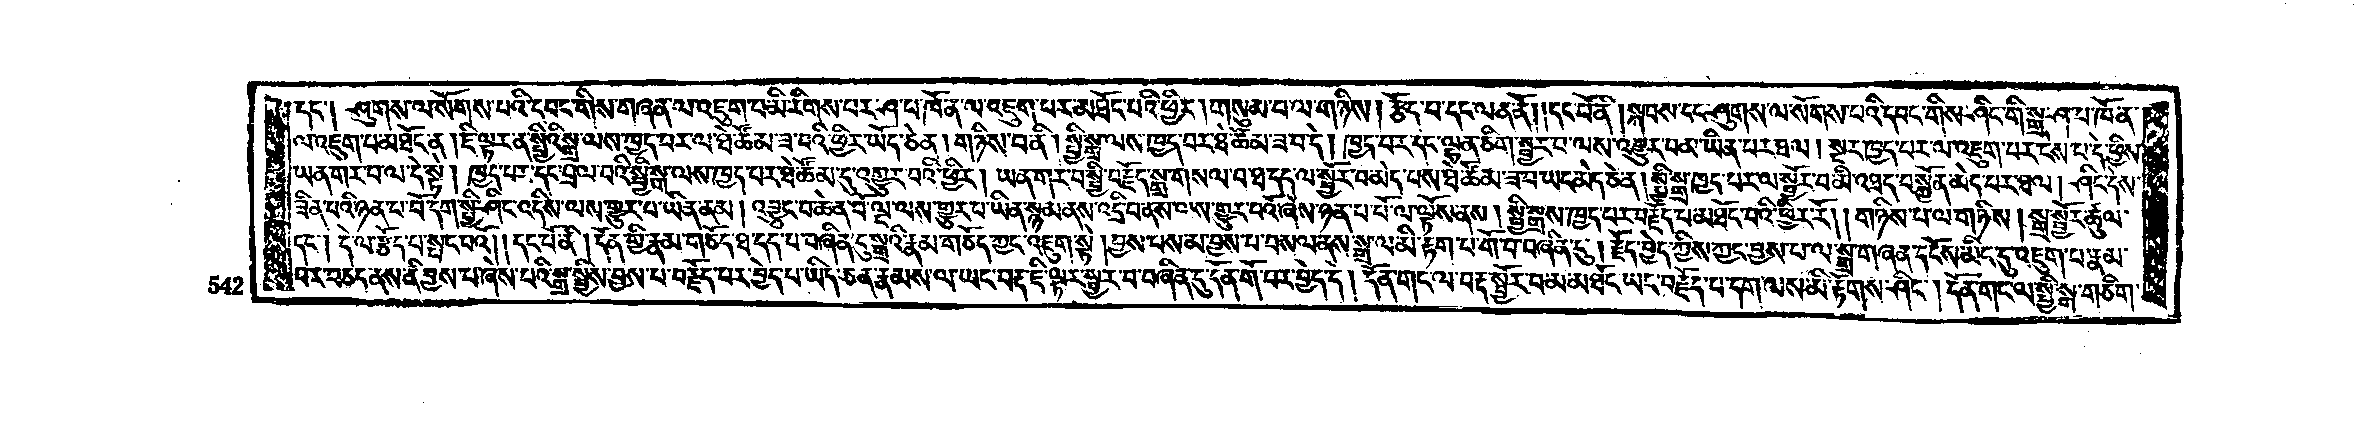དང༑ ཤུགས་ལ་སོགས་པའི་དབང་གིས་གཞན་ལ་འཇུག་པ་མི་རིགས་པར་ཤ་པ་ཁོ་ན་ལ་འཇུག་པར་མཐོང་བའི་ཕྱིར། གསུམ་པ་ལ་གཉིས། རྩོད་པ་དང་ལན་ནོ། །དང་པོ་ནི། སྐབས་དང་ཤུགས་ལ་སོགས་པའི་དབང་གིས་ཤིང་གི་སྒྲ་ཤ་པ་ཁོ་ན་
ལ་འཇུག་པ་མཐོང་ན། ཇི་ལྟར་ན་སྤྱིའི་སྒྲ་ལས་ཁྱད་པར་ལ་ཐེ་ཚོམ་ཟ་བའི་ཕྱིར་ཡོད་ཅེ་ན། གཉིས་པ་ནི། སྤྱི་སྒྲ་ལས་ཁྱད་པར་ཐེ་ཚོམ་ཟ་བ་དེ། ཁྱད་པར་དང་ལྷན་ཅིག་སྦྱར་བ་ལས་འགྱུར་བ་མ་ཡིན་པར་ཐལ། སྔར་ཁྱད་པར་ལ་འཇུག་པར་ངེས་པ་དེ་ཕྱིས་
ཡན་གལ་པ་ལ་དེ་སྟེ། ཁྱད་པར་དང་བྲལ་བའི་སྤྱི་སྒྲ་ལས་ཁྱད་པར་ཐེ་ཚོམ་དུ་འགྱུར་བའི་ཕྱིར་རོ། །ཡན་གར་པ་སྤྱི་བརྗོད་སྒྲ་གསལ་བ་ཐ་དད་ལ་སྦྱོར་བ་མེད་པས་ཐེ་ཚོམ་ཟ་བ་ཡང་མེད་ཅེ་ན། སྤྱི་སྒྲ་ཁྱད་པར་ལ་སྦྱོར་བ་མི་འཐད་པ་སྐྱོན་མེད་པར་ཐལ། ཤིང་དེས་
ཟིན་པའི་ཉན་པ་པོ་དག་སྤྱི་ཤིང་འདིས་ལས་གྱུར་པ་ཡིན་ནམ། འབྱུང་བ་ཆེན་པོ་ལྔ་ལས་གྱུར་པ་ཡིན་སྙམ་ནས་འདྲི་བ་ནས་ལས་གྱུར་པའོ་ཞེས་ཉན་པ་པོ་ལ་ལྟོས་ནས། སྤྱི་སྒྲས་ཁྱད་པར་བརྗོད་པ་མཐོང་བའི་ཕྱིར་རོ། །གཉིས་པ་ལ་གཉིས། སྒྲ་སྦྱོར་ཚུལ་
དང༑ དེ་ལ་རྩོད་པ་སྤོང་བའོ། །དང་པོ་ནི། དོན་གྱི་རྣམ་གཅོད་ཐ་དད་པ་བཞིན་དུ་སྒྲའི་རྣམ་གཅོད་ཀྱང་འཇུག་སྟེ། བྱས་པས་མ་བྱས་པ་བསལ་ནས་སྒྲ་ལ་མི་རྟག་པ་གོ་བ་བཞིན་དུ། རྗོད་བྱེད་ཀྱིས་ཀྱང་བྱས་པ་ལ་སྒྲ་གཞན་དངོས་མིང་དུ་འཇུག་པ་རྣམ་
པར་བཅད་ནས་ནི་བྱས་པ་ཞེས་པའི་སྒྲ་སྤྱིས་བྱས་པ་བརྗོད་པར་བྱེད་པ་ཡིད་ཅན་རྣམས་ལ་ཡང་བརྡ་ཇི་ལྟར་སྦྱར་བ་བཞིན་དུ་དོན་གོ་བར་བྱེད་དེ། དོན་གང་ལ་བརྡ་སྦྱོར་བ་མ་མཐོང་ཡང་བརྗོད་པ་དག་ལས་མི་རྟོགས་ཤིང་། དོན་གང་ལ་སྤྱི་སྒྲ་གཅིག་